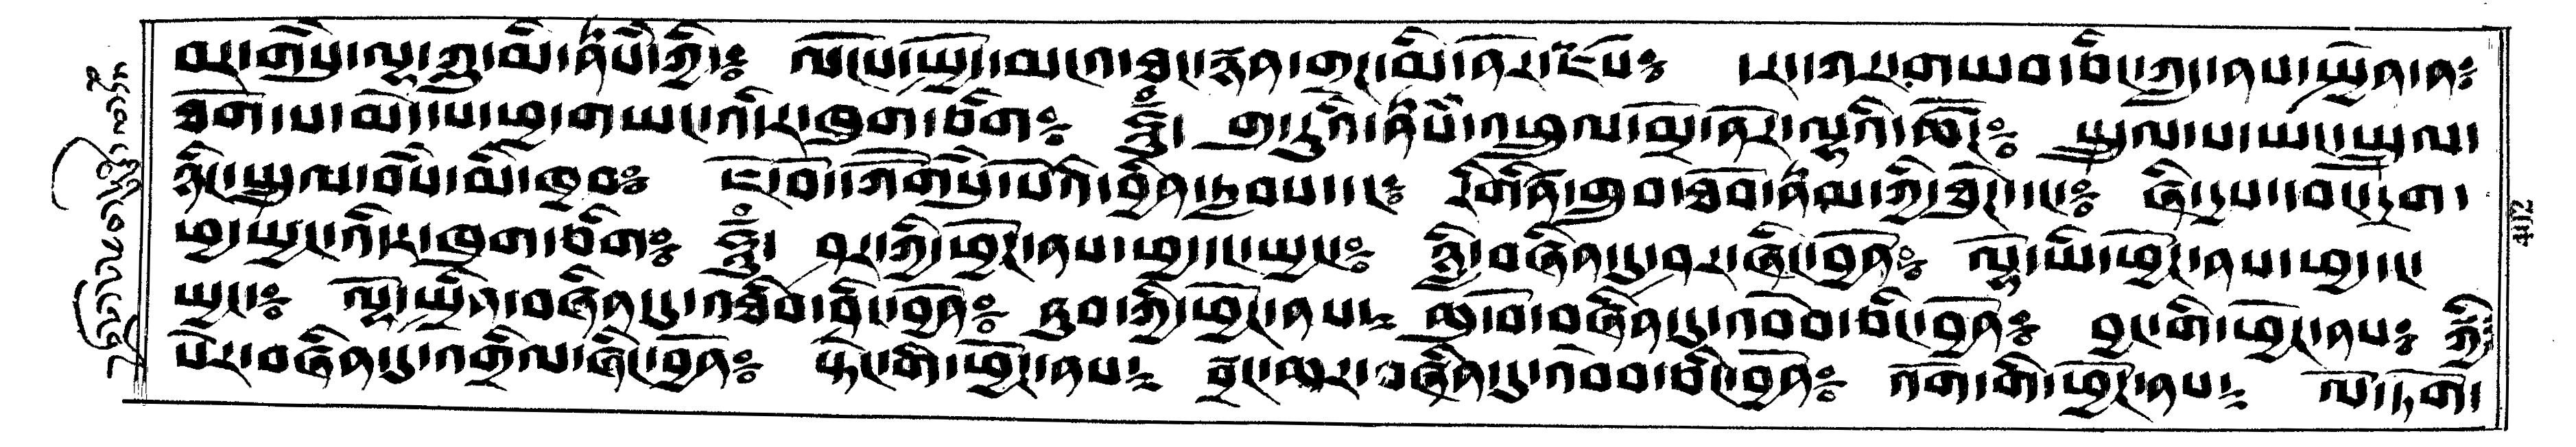བར་གསུམ་ལྷ་ཀླུ་མི་རྣམས་ཀྱི༔ ལོངས་སྤྱོད་མངའ་ཐང་སྙན་གྲགས་མི་ནོར་རྫས༔ དར་དཀར་གཡབ་ཅིང་ཀླད་ནས་སྤྱན་འདྲེན་ན༔ 
ཐོགས་པ་མེད་པར་ཕྱྭ་གཡང་འདིར་ཁུག་ཅིག༔ ཧཱུྃ༔ གུ་རུའི་རྣམ་འཕྲུལ་མཁའ་འགྲོ་ནོར་ལྷའི་ཚོགས༔ སྤྲུལ་པ་ཡང་སྤྲུལ་
ཉིང་སྤྲུལ་བསམ་མི་ཁྱབ༔ ཇོ་བོ་དཀོན་མཆོག་གསུམ་པོའི་བྱིན་རླབས་དང༔ རིག་འཛིན་གྲུབ་ཐོབ་རྣམས་ཀྱི་ཐུགས་རྗེ་དང༔ ཞི་རྒྱས་དབང་དྲག་
ཕྱྭ་གཡང་འདིར་ཁུག་ཅིག༔ ཧཱུྃ༔ ཤར་ཀྱི་ཕྱོགས་ནས་ཕྱྭ་དང་གཡང༔ ཉི་ཟླ་བཞིན་དུ་ཤར་ཞིང་བྱོན༔ ལྷོ་ཡི་ཕྱོགས་ནས་ཕྱྭ་དང་
གཡང༔ ལྷོ་སྤྲིན་བཞིན་དུ་འཐིབ་ཤིང་བྱོན༔ ནུབ་ཀྱི་ཕྱོགས་ནས༴ ཆུ་བོ་བཞིན་དུ་འབབ་ཅིང་བྱོན༔ བྱང་གི་ཕྱོགས་ནས༔ སྐྱི་
སེར་བཞིན་དུ་འགྲིལ་ཞིང་བྱོན༔ སྟེང་གི་ཕྱོགས་ནས༴ སྦྲང་ཆར་བཞིན་དུ་འབབ་ཅིང་བྱོན༔ འོག་གི་ཕྱོགས་ནས༴ ལོ་ཏོག་